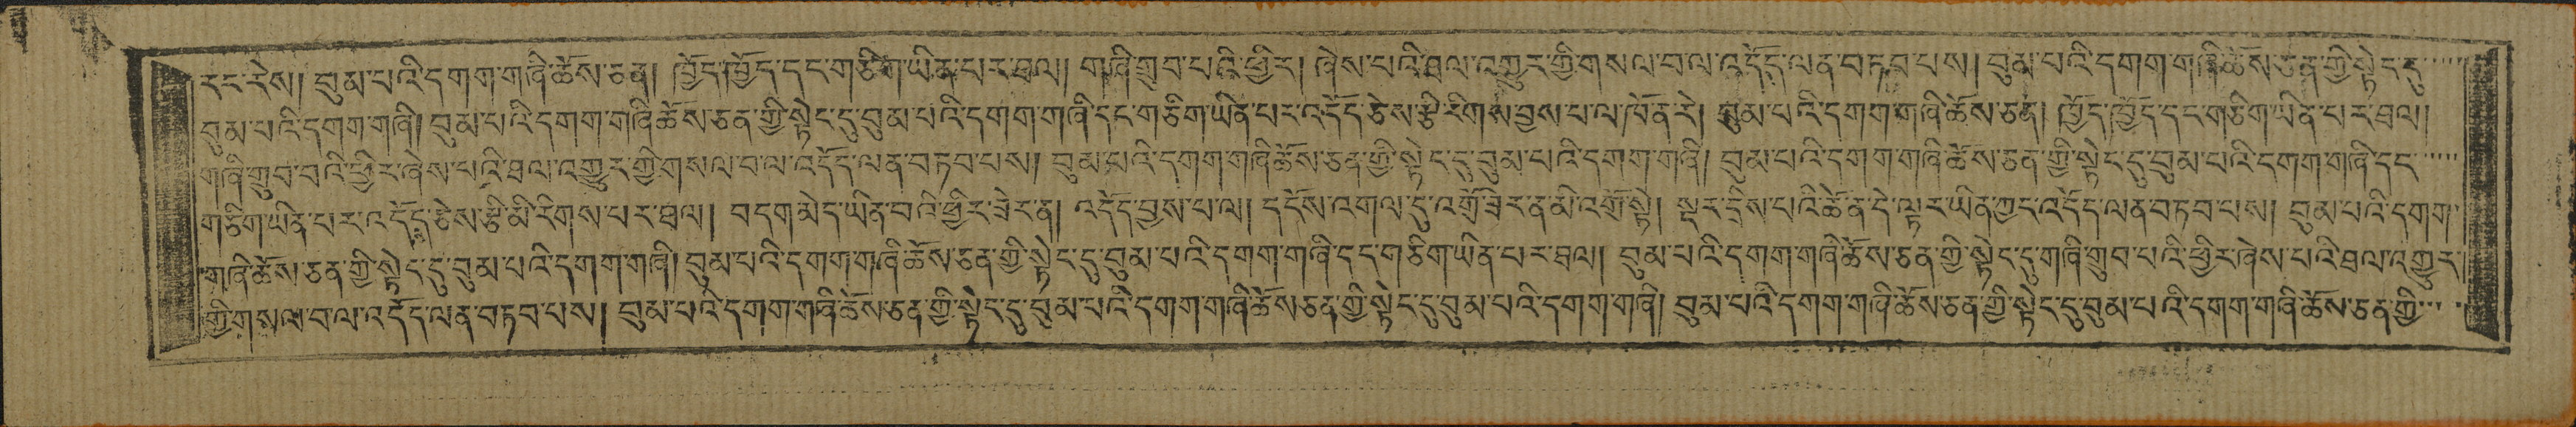རང་རེས། བུམ་པའི་དགག་གཞི་ཆོས་ཅན། ཁྱོད་ཁྱོད་དང་གཅིག་ཡིན་པར་ཐལ། གཞི་གྲུབ་པའི་ཕྱིར། ཞེས་པའི་ཐལ་འགྱུར་གྱི་གསལ་བ་ལ་འདོད་ལན་བཏབ་པས། བུམ་པའི་དགག་གཞི་ཆོས་ཅན་གྱི་སྟེང་དུ་
བུམ་པའི་དགག་གཞི། བུམ་པའི་དགག་གཞི་ཆོས་ཅན་གྱི་སྟེང་དུ་བུམ་པའི་དགག་གཞི་དང་གཅིག་ཡིན་པར་འདོད་ཅེས་རྩི་རིགས་བྱས་པ་ལ་ཁོ་ན་རེ། བུམ་པའི་དགག་གཞི་ཆོས་ཅན། ཁྱོད་ཁྱོད་དང་གཅིག་ཡིན་པར་ཐལ།
གཞི་གྲུབ་པའི་ཕྱིར་ཞེས་པའི་ཐལ་འགྱུར་གྱི་གསལ་བ་ལ་འདོད་ལན་བཏབ་པས། བུམ་པའི་དགག་གཞི་ཆོས་ཅན་གྱི་སྟེང་དུ་བུམ་པའི་དགག་གཞི། བུམ་པའི་དགག་གཞི་ཆོས་ཅན་གྱི་སྟེང་དུ་བུམ་པའི་དགག་གཞི་དང་
གཅིག་ཡིན་པར་འདོད་ཅེས་རྩི་མི་རིགས་པར་ཐལ། བདག་མེད་ཡིན་པའི་ཕྱིར་ཟེར་ན། འདོད་བྱས་པ་ལ། དངོས་འགལ་དུ་འགྲོ་ཟེར་ན་མི་འགྲོ་སྟེ། སྔར་དྲིས་པའི་ཚེ་ན་དེ་ལྟར་ཡིན་ཀྱང་འདོད་ལན་བཏབ་པས། བུམ་པའི་དགག་
གཞི་ཆོས་ཅན་གྱི་སྟེང་དུ་བུམ་པའི་དགག་གཞི། བུམ་པའི་དགག་གཞི་ཆོས་ཅན་གྱི་སྟེང་དུ་བུམ་པའི་དགག་གཞི་དང་གཅིག་ཡིན་པར་ཐལ། བུམ་པའི་དགག་གཞི་ཆོས་ཅན་གྱི་སྟེང་དུ་གཞི་གྲུབ་པའི་ཕྱིར་ཞེས་པའི་ཐལ་འགྱུར་
གྱི་གསལ་བ་ལ་འདོད་ལན་བཏབ་པས། བུམ་པའི་དགག་གཞི་ཆོས་ཅན་གྱི་སྟེང་དུ་བུམ་པའི་དགག་གཞི་ཆོས་ཅན་གྱི་སྟེང་དུ་བུམ་པའི་དགག་གཞི། བུམ་པའི་དགག་གཞི་ཆོས་ཅན་གྱི་སྟེང་དུ་བུམ་པའི་དགག་གཞི་ཆོས་ཅན་གྱི་